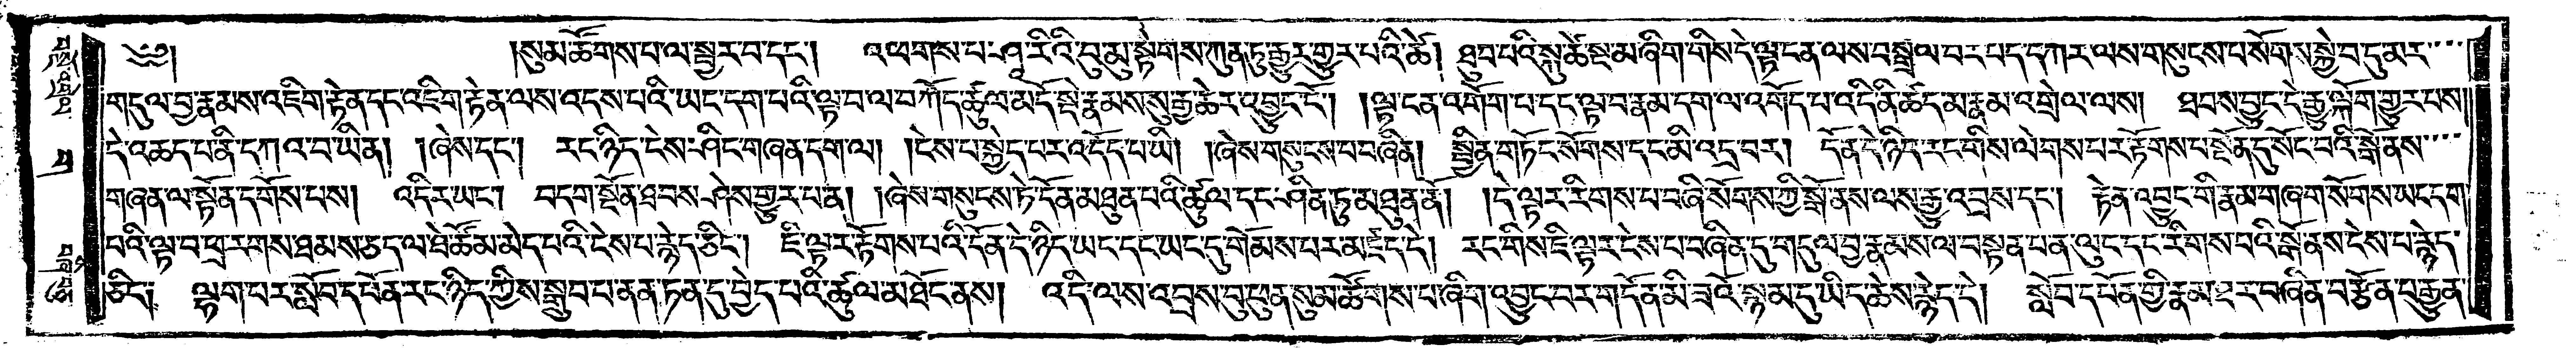༄༅། །སུམ་ཚོགས་པ་ལ་སྦྱར་པ་དང་། འཕགས་པ་ཤཱ་རིའི་བུ་མུ་སྟེགས་ཀུན་ཏུ་རྒྱུར་གྱུར་པའི་ཚེ། ཐུབ་པའི་སྐུ་ཚེ་སྔ་མ་ཞིག་གིས་དེ་ལྟ་ངན་ལས་བསྒྲལ་པར་པད་དཀར་ལས་གསུངས་པ་སོགས་སྐྱེ་བ་དུ་མར་
གདུལ་བྱ་རྣམས་འཇིག་རྟེན་དང་འཇིག་རྟེན་ལས་འདས་པའི་ཡང་དག་པའི་ལྟ་བ་ལ་བཀོད་ཚུལ་མདོ་སྡེ་རྣམས་སུ་རྒྱ་ཆེར་འབྱུང་ངོ། །ལྟ་ངན་འགོག་པ་དང་ལྟ་བ་རྣམ་དག་ལ་འགོད་པ་འདི་ནི་ཚད་མ་རྣམ་འགྲེལ་ལས། ཐབས་བྱུང་དེ་རྒྱུ་ལྐོག་གྱུར་པས་
དེ་འཆད་པ་ནི་དཀའ་བ་ཡིན། །ཞེས་དང་། རང་ཉིད་ངེས་ཤིང་གཞན་དག་ལ། །ངེས་པ་སྐྱེད་པར་འདོད་པ་ཡི། །ཞེས་གསུངས་པ་བཞིན། སྦྱིན་གཏོང་སོགས་དང་མི་འདྲ་བར། དོན་དེ་ཉིད་རང་གིས་ལེགས་པར་རྟོགས་པ་སྔོན་དུ་སོང་བའི་སྒོ་ནས་
གཞན་ལ་སྟོན་དགོས་པས། འདིར་ཡང་། བདག་སྔོན་ཐབས་ཤེས་གྱུར་པ་ན། །ཞེས་གསུངས་ཏེ་དོན་མཐུན་པའི་ཚུལ་དང་ཤིན་ཏུ་མཐུན་ནོ། །དེ་ལྟར་རིགས་པ་བཞི་སོགས་ཀྱི་སྒོ་ནས་ལས་རྒྱུ་འབྲས་དང་། རྟེན་འབྱུང་གི་རྣམ་གཞག་སོགས་ཡང་དག་
པའི་ལྟ་བ་ཕྲ་རགས་ཐམས་ཅད་ལ་ཐེ་ཚོམ་མེད་པའི་ངེས་པ་རྙེད་ཅིང་། ཇི་ལྟར་རྟོགས་པའི་དོན་དེ་ཉིད་ཡང་དང་ཡང་དུ་གོམས་པར་མཛད་དེ། རང་གིས་ཇི་ལྟར་ངེས་པ་བཞིན་དུ་གདུལ་བྱ་རྣམས་ལ་བསྟན་བ་ན་ལུང་དང་རིགས་པའི་སྒོ་ནས་ངེས་པ་རྙེད་
ཅིང༑ ལྷག་པར་སློབ་དཔོན་རང་ཉིད་ཀྱིས་སྒྲུབ་པ་ནན་ཏན་དུ་བྱེད་པའི་ཚུལ་མཐོང་ནས། འདི་ལས་འབྲས་བུ་ཕུན་སུམ་ཚོགས་པ་ཞིག་འབྱུང་བར་གདོན་མི་ཟའོ་སྙམ་དུ་ཡིད་ཆེས་རྙེད་དེ། སློབ་དཔོན་གྱི་རྣམ་ཐར་བཞིན་བརྩོན་བ་རྒྱུན་